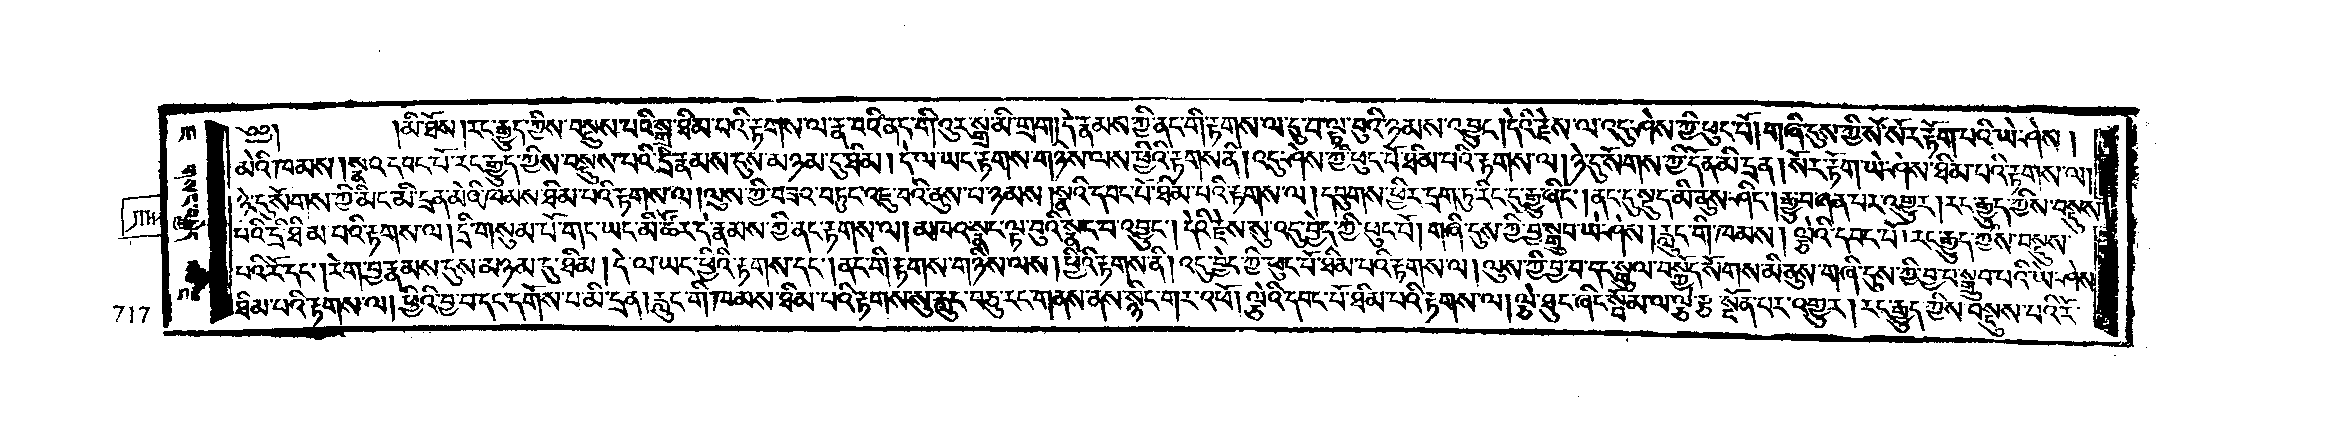༄༅། །མི་ཐོས། རང་རྒྱུད་ཀྱིས་བསྡུས་པའི་སྒྲ་ཐིམ་པའི་རྟགས་ལ་རྣ་བའི་ནང་གི་འུར་སྒྲ་མི་གྲག །དེ་རྣམས་ཀྱི་ནང་གི་རྟགས་ལ་དུ་བ་ལྟ་བུའི་ཉམས་འབྱུང་། དེའི་རྗེས་ལ་འདུ་ཤེས་ཀྱི་ཕུང་པོ། གཞི་དུས་ཀྱི་སོ་སོར་རྟོག་པའི་ཡེ་ཤེས།
མེའི་ཁམས། སྣའི་དབང་པོ་རང་རྒྱུད་ཀྱིས་བསྡུས་པའི་དྲི་རྣམས་དུས་མཉམ་དུ་ཐིམ། དེ་ལ་ཡང་རྟགས་གཉིས་ལས་ཕྱིའི་རྟགས་ནི། འདུ་ཤེས་ཀྱི་ཕུང་པོ་ཐིམ་པའི་རྟགས་ལ། ཉེ་དུ་སོགས་ཀྱི་དོན་མི་དྲན། སོར་རྟོག་ཡེ་ཤེས་ཐིམ་པའི་རྟགས་ལ།
ཉེ་དུ་སོགས་ཀྱི་མིང་མི་དྲན་མེའི་ཁམས་ཐིམ་པའི་རྟགས་ལ། ལུས་ཀྱི་བཟའ་བཏུང་འཇུ་བའི་ནུས་པ་ཉམས། སྣའི་དབང་པོ་ཐིམ་པའི་རྟགས་ལ། དབུགས་ཕྱིར་དྲག་ཏུ་རིང་དུ་རྒྱུ་ཞིང་། ནང་དུ་སྡུད་མི་ནུས་ཤིང་། རྒྱུ་བ་ཞན་པར་འགྱུར། རང་རྒྱུད་ཀྱིས་བསྡུས་
པའི་དྲི་ཐིམ་པའི་རྟགས་ལ། དྲི་གསུམ་པོ་གང་ཡང་མི་ཚོར་དེ་རྣམས་ཀྱི་ནང་རྟགས་ལ། མཁའ་སྣང་ལྟ་བུའི་སྣང་བ་འབྱུང་། དེའི་རྗེས་སུ་འདུ་བྱེད་ཀྱི་ཕུང་པོ། གཞི་དུས་ཀྱི་བྱ་སྒྲུབ་ཡེ་ཤེས། རླུང་གི་ཁམས། ལྕེའི་དབང་པོ། རང་རྒྱུད་ཀྱིས་བསྡུས་
པའི་རོ་དང་། རེག་བྱ་རྣམས་དུས་མཉམ་དུ་ཐིམ། དེ་ལ་ཡང་ཕྱིའི་རྟགས་དང་། ནང་གི་རྟགས་གཉིས་ལས། ཕྱིའི་རྟགས་ནི། འདུ་བྱེད་ཀྱི་ཕུང་པོ་ཐིམ་པའི་རྟགས་ལ། ལུས་ཀྱི་བྱ་བ་དང་སྒུལ་བསྐྱོད་སོགས་མི་ནུས་གཞི་དུས་ཀྱི་བྱ་བ་སྒྲུབ་པའི་ཡེ་ཤེས་
ཐིམ་པའི་རྟགས་ལ། ཕྱིའི་བྱ་བ་དང་དགོས་པ་མི་དྲན། རླུང་གི་ཁམས་ཐིམ་པའི་རྟགས་སུ་རླུང་བཅུ་རང་གནས་ནས་སྙིང་གར་འཕོ། ལྕེའི་དབང་པོ་ཐིམ་པའི་རྟགས་ལ། ལྕེ་ཐུང་ཞིང་སྦོམ་ལ་ལྕེ་རྩ་སྔོན་པར་འགྱུར། རང་རྒྱུད་ཀྱིས་བསྡུས་པའི་རོ་